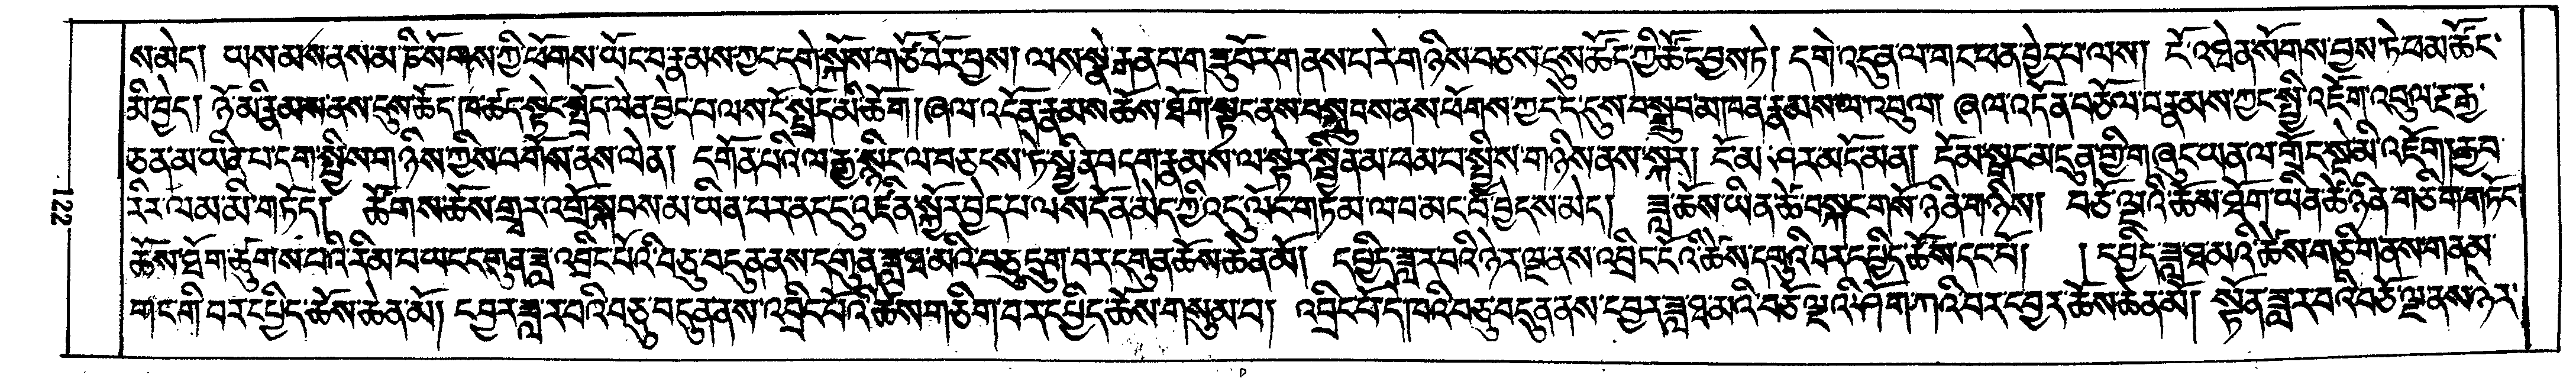ས་མེད། ཡས་མས་ནས་མ་ཎི་སོགས་ཀྱི་ཕོགས་ཡོང་བ་རྣམས་ཀྱང་དགེ་སྐོས་གཙོ་བོར་བྱས། ལས་སྣེ་རྒན་པ་གཟུ་བོར་གནས་པ་རེ་གཉིས་བཅས་དུས་ཚོད་ཀྱི་ཚོང་བྱས་ཏེ། དགེ་འདུན་ལ་གང་ཕན་བྱེད་པ་ལས། ངོ་འཐེན་སོགས་བྱས་ཏེ་ཕམ་ཚོང་
མི་བྱེད། ཉོ་མི་རྣམས་ནས་དུས་ཚོང་ཁ་ཆད་སྟེང་སྤྲོད་ལེན་བྱེད་པ་ལས་ངོ་སྤྲོད་མི་ཆོག །ཞལ་འདོན་རྣམས་ཆོས་ཐོག་སྟེང་ནས་བསྒྲུབས་ནས་ཕོགས་ཀྱང་ད་དུས་བསྒྲུབ་མཁན་རྣམས་ལ་འབུལ། ཞལ་འདོན་བཅོལ་བ་རྣམས་ཀྱང་སྤྱི་འཇོག་འབུལ་རྔ་རྒྱ་
ཅན་མ་ཡིན་པ་དག་སྤྱི་ས་གཉིས་ཀྱིས་བགོས་ནས་ལེན། དགོན་པའི་ལ་རྒྱ་སྙིང་ལ་བཅངས་ཏེ་སྦྱིན་བདག་རྣམས་ལ་སྟེར་སྦྱིན་མ་ཕམ་པ་སྤྱི་ས་གཉིས་ནས་སྟེར། དོམ་ཤར་མདོ་མན། དོམ་སྒང་མདུན་གྱི་གཞུང་ཡན་ལ་གྲོང་སྡེ་མི་འཇོག། རྒྱབ་
རིར་ལམ་མི་གཏོད། ཚོགས་ཆོས་གྲྭར་འགྲོ་སྐབས་མ་ཡིན་པར་ནང་དུ་འཛིན་སྐྱོར་བྱེད་པ་ལས་དོན་མེད་ཀྱི་འདུ་ལོང་གཏམ་ལ་བ་མང་པོ་བྱེད་ས་མེད། ཟླ་ཆོས་ཡིན་ཚེ་བསྐང་གསོ་ཉིན་གཉིས། བཅོ་ལྔའི་ཆོས་ཐོག་ཡིན་ཚེ་ཉིན་གཅིག་གཏོང་
ཆོས་ཐོག་ཚུགས་པའི་རིམ་པ་ཡང་དགུན་ཟླ་འབྲིང་པོའི་བཅུ་བདུན་ནས་དགུན་ཟླ་ཐ་མའི་བཅུ་དྲུག་པར་དགུན་ཆོས་ཆེན་མོ། དཔྱིད་ཟླར་བའི་ཉེར་ལྔ་ནས་འབྲིང་པོའི་ཚེས་དགུའི་བར་དཔྱིད་ཆོས་དང་པོ། །དཔྱིད་ཟླ་ཐ་མའི་ཚེས་གཅིག་ནས་གནམ་
གང་གི་བར་དཔྱིད་ཆོས་ཆེན་མོ། དཔྱར་ཟླ་ར་བའི་བཅུ་བདུན་ནས་འབྲིང་པོའི་ཚེས་གཅིག་པར་དཔྱིད་ཆོས་གསུམ་པ། འབྲིང་པོའི་དེ་ཁའི་བཅུ་བདུན་ནས་དབྱར་ཟླ་ཐ་མའི་བཅོ་ལྔའི་ཤོག་ཀའི་དབྱར་ཆོས་ཆེན་མོ། སྟོན་ཟླ་ར་བའི་བཅོ་ལྔ་ནས་ཉེར་